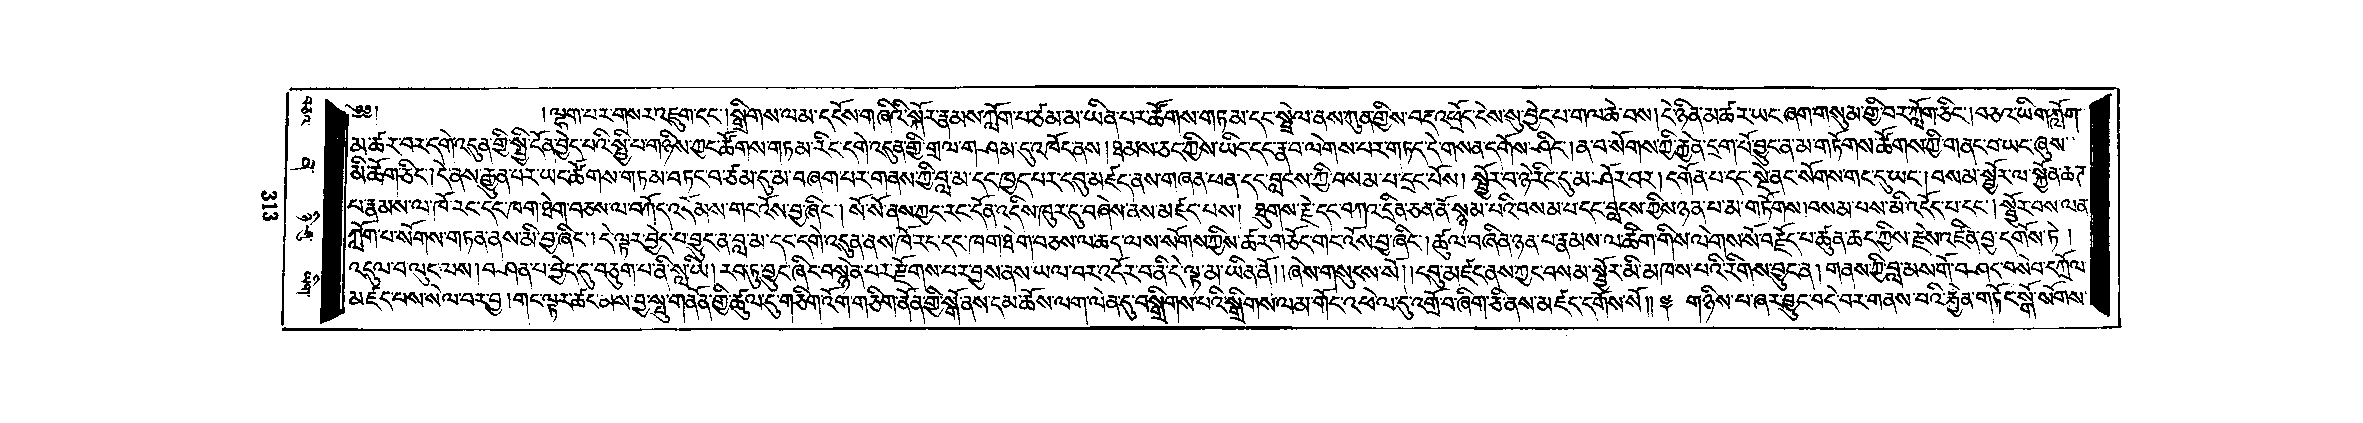༄༅། །ལྷག་པར་གསར་འཇུག་དང་། སྒྲིགས་ལམ་དངོས་གཞིའི་སྐོར་རྣམས་ཀློག་པ་ཙམ་མ་ཡིན་པར་ཚོགས་གཏམ་དང་སྦྲེལ་ནས་ཀུན་གྱིས་བརྡ་འཕྲོད་ངེས་སུ་བྱེད་པ་གལ་ཆེ་བས། དེ་ཉིན་མ་ཚར་ཡང་ཞག་གསུམ་གྱི་བར་ཀློག་ཅིང་། བཅའ་ཡིག་ཀློག་
མ་ཚར་བར་དགེ་འདུན་གྱི་སྤྱི་དོན་བྱེད་པའི་སྤྱི་པ་གཉིས་ཀྱང་ཚོགས་གཏམ་རིང་དགེ་འདུན་གྱི་གྲལ་གཤམ་དུ་འཁོད་ནས། ཐམས་ཅད་ཀྱིས་ཡིད་དང་རྣ་བ་ལེགས་པར་གཏད་དེ་གསན་དགོས་ཤིང་། ན་བ་སོགས་ཀྱི་རྐྱེན་དྲག་པོ་བྱུང་ན་མ་གཏོགས་ཚོགས་ཀྱི་གནང་བ་ཡང་ཞུས་
མི་ཆོག་ཅིང་། དེ་ནས་རྒྱུན་པར་ཡང་ཚོགས་གཏམ་བཏང་བ་ཙམ་དུ་མ་བཞག་པར་གནས་ཀྱི་བླ་མ་དང་ཁྱད་པར་དབུ་མཛད་ནས་གཞན་ཕན་དང་བླངས་ཀྱི་བསམ་པ་དྲང་པོས། སྦྱོར་བ་ཉེ་རིང་དུ་མ་ཤོར་བར། དགོན་པ་དང་སྡེ་ནང་སོགས་གང་དུ་ཡང་། བསམ་སྦྱོར་ལ་སྐྱོན་ཆགས་
པ་རྣམས་ལ་ཁོ་རང་དང་ཁག་ཐེག་བཅས་ལ་བཀོད་འདོམས་གང་འོས་བྱ་ཞིང་། སོ་སོ་ནས་ཀྱང་རང་དོན་འདིས་ཁུར་དུ་བཞེས་ནས་མཛད་པས། ཐུགས་རྗེ་དང་བཀའ་དྲིན་ཅན་ནོ་སྙམ་པའི་བསམ་པ་དང་བླངས་ཀྱིས་ཉན་པ་མ་གཏོགས། བསམ་པས་མི་འདོད་པ་དང་། སྦྱོར་བས་ལན་
ཀློག་པ་སོགས་གཏན་ནས་མི་བྱ་ཞིང་། དེ་ལྟར་བྱེད་པ་བྱུང་ན་བླ་མ་དང་དགེ་འདུན་ནས་ཁོ་རང་དང་ཁག་ཐེག་བཅས་ལ་ཆད་ལས་སོགས་ཀྱིས་ཚར་གཅོད་གང་འོས་བྱ་ཞིང་། ཚུལ་བཞིན་ཉན་པ་རྣམས་ལ་ཚིག་གིས་ལེགས་སོ་བརྗོད་པ་ཚུན་ཆད་ཀྱིས་རྗེས་འཛིན་བྱ་དགོས་ཏེ།
འདུལ་བ་ལུང་ལས། བཤན་པ་བྱེད་དུ་བཅུག་པ་ནི་སླ་ཡི། རབ་ཏུ་བྱུང་ཞིང་བསྙེན་པར་རྫོགས་པར་བྱས་ནས་ཡལ་བར་འདོར་བ་ནི་དེ་ལྟ་མ་ཡིན་ནོ། །ཞེས་གསུངས་སོ། །དབུ་མཛད་ནས་ཀྱང་བསམ་སྦྱོར་མི་མཁས་པའི་རིགས་བྱུང་ན། གནས་ཀྱི་བླ་མས་གོ་བཤད་བསེབ་དཀྲོལ་
མཛད་པས་སེལ་བར་བྱ། གང་ལྟར་ཚང་མས་བྱ་སྤུ་གནོན་གྱི་ཚུལ་དུ་གཅིག་འོག་གཅིག་ནོན་གྱི་སྒོ་ནས་དམ་ཆོས་ལག་ལེན་དུ་བསྒྲིགས་པའི་སྒྲིགས་ལམ་གོང་འཕེལ་དུ་འགྲོ་བ་ཞིག་ཅི་ནས་མཛད་དགོས་སོ། །༈ གཉིས་པ་ཞར་བྱུང་བདེ་བར་གནས་པའི་རྐྱེན་གཏོང་སྒོ་སོགས་